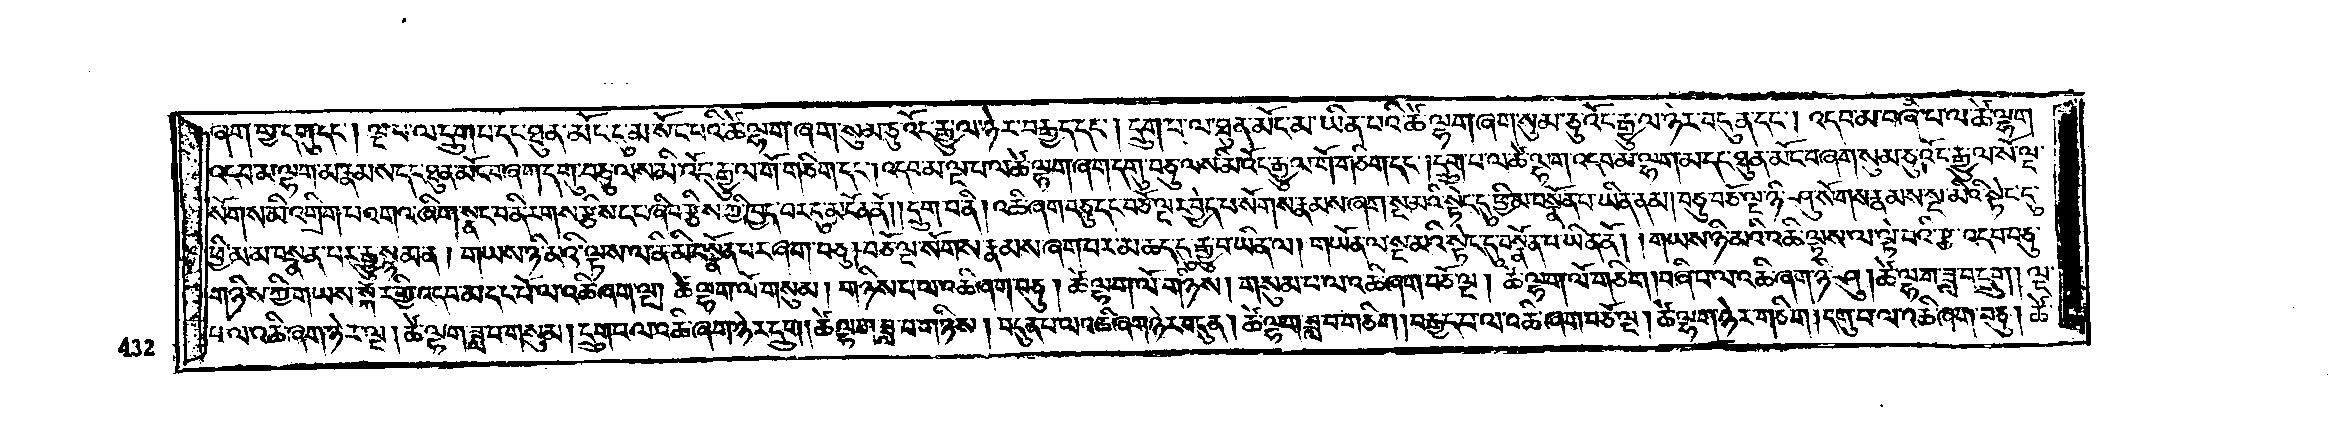ཞག་གྱ་དགུ་དང་། ལྔ་པ་ལ་དྲུག་པ་དང་ཐུན་མོང་དུ་མ་སོང་བའི་ཚེ་ལྷག་ཞག་སུམ་ཅུ་འོང་རྒྱུ་ལ་ཉེར་བརྒྱད་དང་། དྲུག་པ་ལ་ཐུན་མོང་མ་ཡིན་པའི་ཚེ་ལྷག་ཞག་སུམ་ཅུ་འོང་རྒྱུ་ལ་ཉེར་བདུན་དང་། འདབ་མ་བཞི་པ་ལ་ཚེ་ལྷག་
འདབ་མ་ལྷག་མ་རྣམས་དང་ཐུན་མོང་བ་ཞག་དགུ་བཅུ་ལས་མི་འོང་རྒྱུ་ལ་གོ་གཅིག་དང་། འདབ་མ་ལྔ་པ་ལ་ཚེ་ལྷག་ཞག་དགུ་བཅུ་ལས་མི་འོང་རྒྱུ་ལ་གོ་གཅིག་དང་། དྲུག་པ་ལ་ཚེ་ལྷག་འདབ་མ་ལྷག་མ་དང་ཐུན་མོང་བ་ཞག་སུམ་ཅུ་འོང་རྒྱུ་ལ་སོ་ལྔ་
སོགས་མི་འགྲིག་པ་འགའ་ཞིག་སྣང་བ་ནི་རགས་རྩིས་དང་ཞིབ་རྩིས་ཀྱི་ཁྱད་པར་དུ་མངོན་ནོ། །དྲུག་པ་ནི། འཆི་ཞག་བཅུ་དང་བཅོ་ལྔར་བྱེད་པ་སོགས་རྣམས་ཞག་སྔ་མའི་སྟེང་དུ་ཕྱི་མ་བསྣོན་པ་ཡིན་ནམ། བཅུ་བཅོ་ལྔ་ཉི་ཤུ་སོགས་རྣམས་སྔ་མའི་སྟེང་དུ་
ཕྱི་མ་མ་བསྣན་པར་རྒྱུ་སྙམ་ན། གཡས་ཉི་མའི་ལྟས་ལ་ནི་མི་བསྣོན་པར་ཞག་བཅུ། བཅོ་ལྔ་སོགས་རྣམས་ཞག་པར་མ་ཆད་དུ་རྒྱུ་བ་ཡིན་ལ། གཡོན་ལ་སྔ་མའི་སྟེང་དུ་བསྣོན་པ་ཡིན་ནོ། །གཡས་ཉི་མའི་འཆི་ལྟས་ལ་ལྟེ་པའི་རྩ་འདབ་བཅུ་
གཉིས་ཀྱི་གཡས་སྐོར་གྱི་འདབ་མ་དང་པོ་ལ་འཆི་ཞག་ལྔ། ཚེ་ལྷག་ལོ་གསུམ། གཉིས་པ་ལ་འཆི་ཞག་བཅུ། ཚེ་ལྷག་ལོ་གཉིས། གསུམ་པ་ལ་འཆི་ཞག་བཅོ་ལྔ། ཚེ་ལྷག་ལོ་གཅིག །བཞི་པ་ལ་འཆི་ཞག་ཉི་ཤུ། ཚེ་ལྷག་ཟླ་བ་དྲུག །ལྔ་
པ་ལ་འཆི་ཞག་ཉེར་ལྔ། ཚེ་ལྷག་ཟླ་བ་གསུམ། དྲུག་པ་ལ་འཆི་ཞག་ཉེར་དྲུག །ཚེ་ལྷག་ཟླ་བ་གཉིས། བདུན་པ་ལ་འཆི་ཞག་ཉེར་བདུན། ཚེ་ལྷག་ཟླ་བ་གཅིག །བརྒྱད་པ་ལ་འཆི་ཞག་བཅོ་ལྔ། ཚེ་ལྷག་ཉེར་གཅིག །དགུ་པ་ལ་འཆི་ཞག་བཅུ། ཚེ་